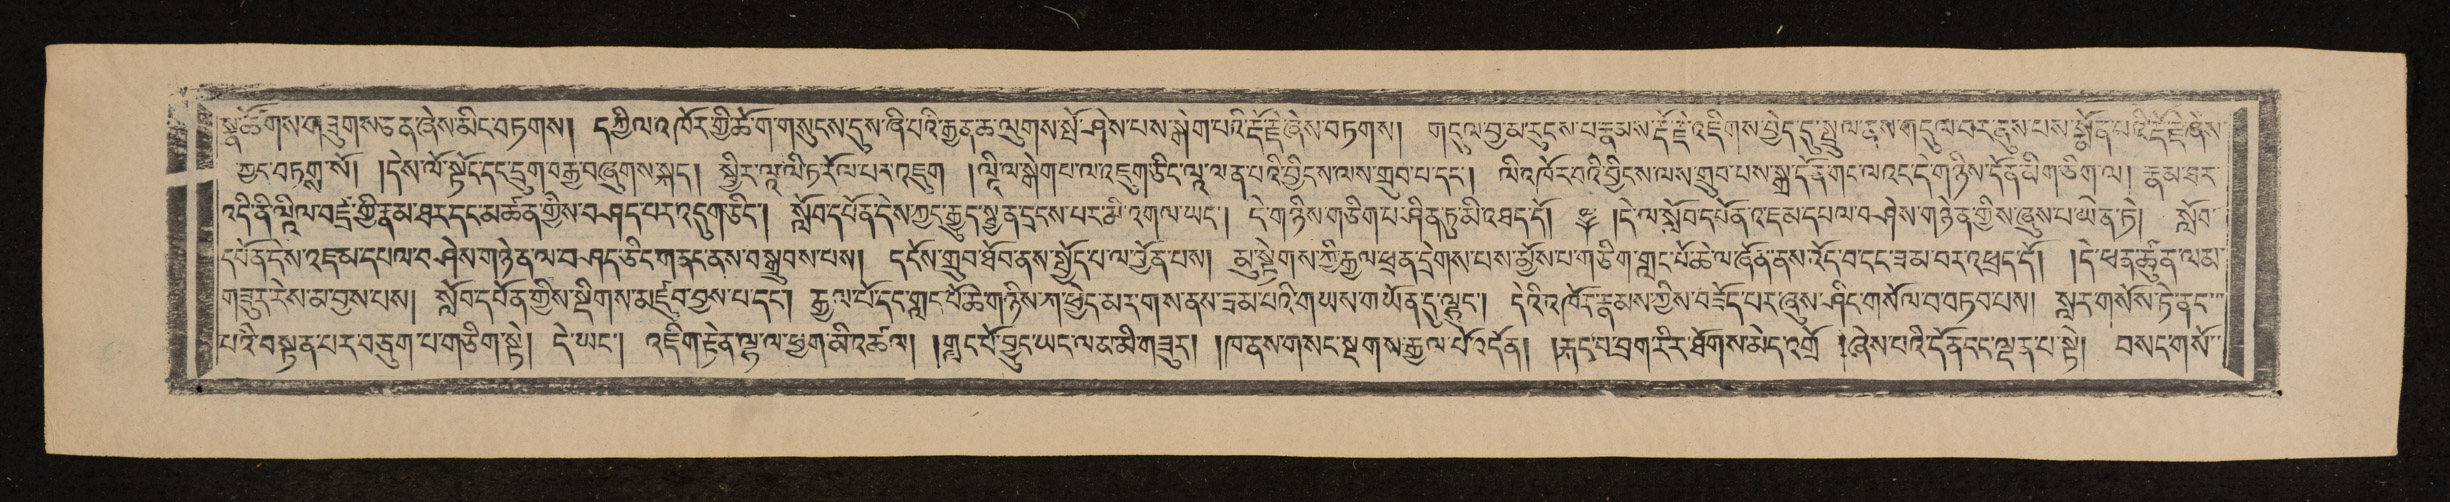སྣ་ཚོགས་གཟུགས་ཅན་ཞེས་མིང་བཏགས། དཀྱིལ་འཁོར་གྱི་ཆོ་ག་གསུངས་དུས་ཞི་བའི་རྒྱན་ཆ་ལུགས་སྤོ་ཤེས་པས་སྒེག་པའི་རྡོ་རྗེ་ཞེས་བཏགས། གདུལ་བྱ་མ་རུངས་པ་རྣམས་རྡོ་རྗེ་འཇིགས་བྱེད་དུ་སྤྲུལ་ནས་གདུལ་བར་ནུས་བས་སྨོན་པའི་རྡོ་རྗེ་ཞེས་
ཀྱང་བཏགས་སོ། །དེས་ལོ་སྟོང་དང་དྲུག་བརྒྱ་བཞུགས་སྐད། སྤྱིར་ལཱ་ལི་ཏ་རོལ་པར་འཇུག །ལཱི་ལ་སྒེག་པ་ལ་འཇུག་ཅིང་ལཱ་ལན་པའི་བྱིངས་ལས་གྲུབ་པ་དང་། ལི་འཁོར་བའི་བྱིངས་ལས་གྲུབ་པས་སྒྲ་དོན་གང་ལའང་དེ་གཉིས་དོན་མི་གཅིག་ལ། རྣམ་ཐར་
འདི་ནི་ལཱི་ལ་བཛྲ་གྱི་རྣམ་ཐར་དང་མཚན་གྱིས་བཤད་པར་འདུག་ཅིང་། སློབ་དཔོན་དེས་ཀྱང་རྒྱུད་སྤྱན་དྲངས་པར་མི་འགལ་ཡང་། དེ་གཉིས་གཅིག་པ་ཤིན་ཏུ་མི་འཐད་དོ། ༈ །དེ་ལ་སློབ་དཔོན་འཇམ་དཔལ་བཤེས་གཉེན་གྱིས་ཞུས་པ་ཡིན་ཏེ། སློབ་
དཔོན་དེས་འཇམ་དཔལ་བཤེས་གཉེན་ལ་བཤད་ཅིང་གནང་ནས་བསྒྲུབས་པས། དངོས་གྲུབ་ཐོབ་ནས་སྤྱོད་པ་ལ་བྱོན་པས། མུ་སྟེགས་ཀྱི་རྒྱལ་ཕྲན་དྲེགས་པས་མྱོས་པ་གཅིག་གླང་པོ་ཆེ་ལ་ཞོན་ནས་འོང་བ་དང་ཟམ་བར་འཕྲད་དོ། །དེ་ཕན་ཚུན་ལམ་
གཟུར་རེས་མ་བྱས་པས། སློབ་དཔོན་གྱིས་སྡིགས་མཛུབ་བྱས་པ་དང་། རྒྱལ་པོ་དང་གླང་པོ་ཆེ་གཉིས་ཀ་ཕྱེད་མར་གས་ནས་ཟམ་པའི་གཡས་གཡོན་དུ་ལྷུང་། དེའི་འཁོར་རྣམས་ཀྱིས་བཟོད་པར་ཞུས་ཤིང་གསོལ་བ་བཏབ་བས། སླར་གསོས་ཏེ་ནང་
བའི་བསྟན་པར་བཅུག་པ་གཅིག་སྟེ། དེ་ཡང་། འཇིག་རྟེན་ལྷ་ལ་ཕྱག་མི་འཚལ། །གླང་པོ་བྱུང་ཡང་ལམ་མི་གཟུར། །ཁ་ནས་གསང་སྔགས་རྒྱལ་པོ་འདོན། །རྐང་པ་བྲག་རིར་ཐོགས་མེད་འགྲོ་།ཞེས་པའི་དོན་དང་ལྡན་པ་སྟེ། བསད་གསོ་